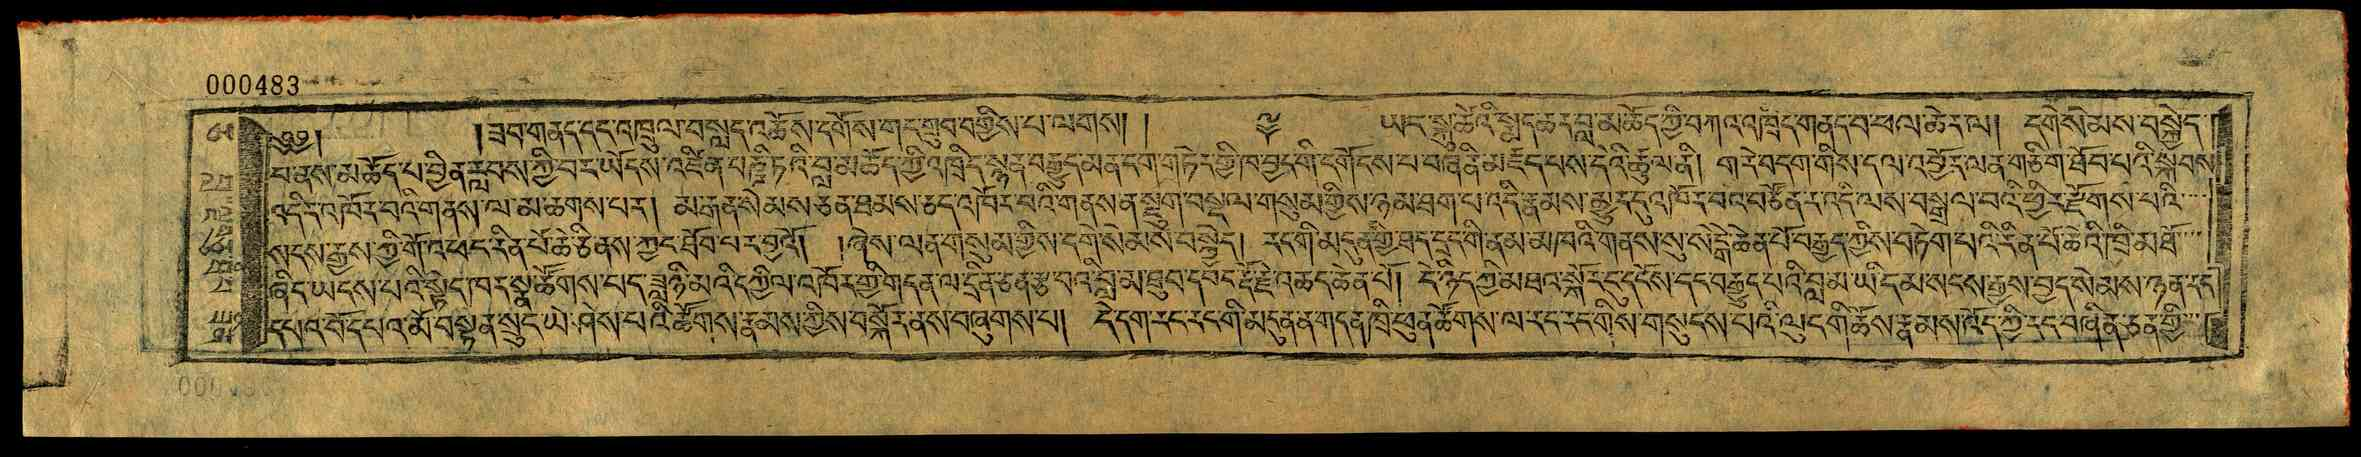༄༅། །ཟབ་གནད་དང་འཁྲུལ་བསླད་འཆོས་དགོས་གང་གྲུབ་བགྱིས་པ་ལགས།། ༄༅་ཡང་སྐུ་ཚེའི་སྨད་ཆར་བླ་མཆོད་ཀྱི་བཀའ་འཁྲིད་གནང་བ་ཕལ་ཆེར་ལ། དགེ་སེམས་བསྐྱེད་
པ་ནས་མཆོད་པ་བྱིན་རླབས་ཀྱི་བར་ཡོངས་འཛིན་པཎྜི་ཏའི་བླ་མཆོད་ཀྱི་འཁྲིད་སྙན་བརྒྱུད་མན་ངག་གཏེར་གྱི་ཁ་བྱང་གི་དགོངས་པ་བཞིན་མཛད་པས་དེའི་ཚུལ་ནི། ག་རེ་བདག་གིས་དལ་འབྱོར་ལན་གཅིག་ཐོབ་པའི་སྐབས་
འདིར་འཁོར་བའི་གནས་ལ་མ་ཆགས་པར། མ་རྒན་སེམས་ཅན་ཐམས་ཅད་འཁོར་བའི་གནས་ན་སྡུག་བསྔལ་གསུམ་གྱིས་ཉམ་ཐག་པ་འདི་རྣམས་མྱུར་དུ་འཁོར་བའི་བཙོན་ར་འདི་ལས་བསྒྲལ་བའི་ཕྱིར་རྫོགས་པའི་
སངས་རྒྱས་ཀྱི་གོ་འཕང་རིན་པོ་ཆེ་ཅི་ནས་ཀྱང་ཐོབ་པར་བྱའོ། །ཞེས་ལན་གསུམ་གྱིས་དགེ་སེམས་བསྐྱེད། རང་གི་མདུན་གྱི་ཐད་དྲང་གི་ནམ་མཁའི་གནས་སུ་སེངྒེ་ཆེན་པོ་བརྒྱད་ཀྱིས་བཏེག་པའི་རིན་པོ་ཆེའི་ཁྲི་མཐོ་
ཞིང་ཡངས་པའི་སྟེང་ཁར་སྣ་ཚོགས་པད་ཟླ་ཉི་མའི་དཀྱིལ་འཁོར་གྱི་གདན་ལ་དྲིན་ཅན་རྩ་བའི་བླ་མ་ཐུབ་དབང་རྡོ་རྗེ་འཆང་ཆེན་པོ། དེ་ཉིད་ཀྱི་མཐའ་སྐོར་དུ་དངོས་དང་བརྒྱུད་པའི་བླ་མ་ཡི་དམ་སངས་རྒྱས་བྱང་སེམས་ཉན་རང་
དཔའ་བོ་དཔའ་མོ་བསྟན་སྲུང་ཡེ་ཤེས་པའི་ཚོགས་རྣམས་ཀྱིས་བསྐོར་ནས་བཞུགས་པ། དེ་དག་རང་རང་གི་མདུན་ན་གདན་ཁྲི་ཕུན་ཚོགས་ལ་རང་རང་གིས་གསུངས་པའི་ལུང་གི་ཆོས་རྣམས་འོད་ཀྱི་རང་བཞིན་ཅན་གྱི་